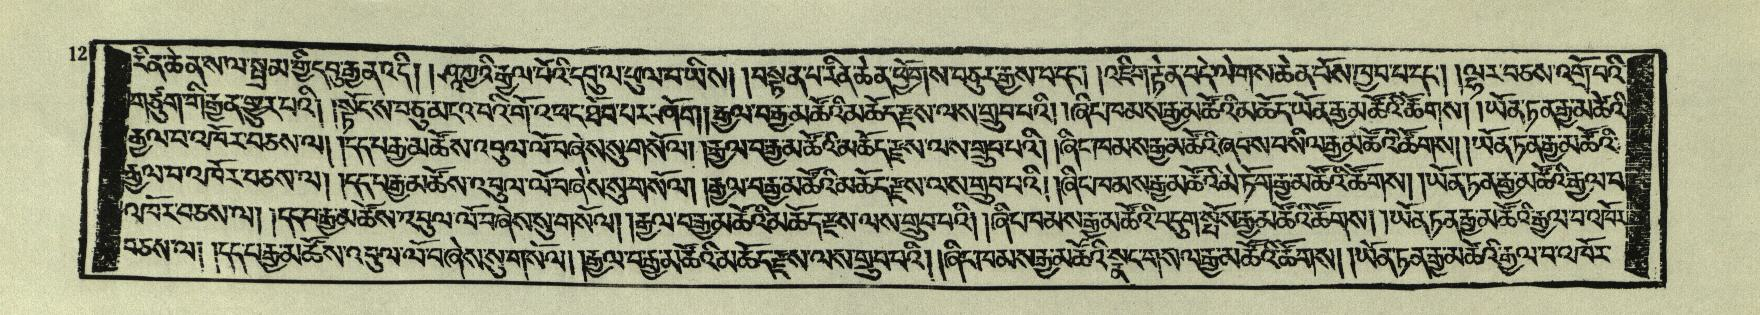རིན་ཆེན་ས་ལ་སྤྲམ་གྱི་དབུ་རྒྱན་འདི། །ཤཱཀྱའི་རྒྱལ་པོའི་དབུ་ལ་ཕུལ་བ་ཡིས། །བསྟན་པ་རིན་ཆེན་ཕྱོགས་བཅུར་རྒྱས་པ་དང་། །འཇིག་རྟེན་བདེ་ལེགས་ཆེན་པོས་ཁྱབ་པ་དང་། །ལྷར་བཅས་འགྲོ་བའི་
གཙུག་གི་རྒྱན་གྱུར་པའི། །སྟོང་ས་བཅུ་མངའ་བའི་གོ་འཕང་ཐོབ་པར་ཤོག །རྒྱལ་བ་རྒྱ་མཚོའི་མཆོད་རྫས་ལས་གྲུབ་པའི། །ཞིང་ཁམས་རྒྱ་མཚོའི་མཆོད་ཡོན་རྒྱ་མཚོའི་ཚོགས། །ཡོན་ཏན་རྒྱ་མཚོའི་
རྒྱལ་བ་འཁོར་བཅས་ལ། །དད་པ་རྒྱ་མཚོས་འབུལ་ལོ་བཞེས་སུ་གསོལ། །རྒྱལ་བ་རྒྱ་མཚོའི་མཆོད་རྫས་ལས་གྲུབ་པའི། །ཞིང་ཁམས་རྒྱ་མཚོའི་ཞབས་བསིལ་རྒྱ་མཚོའི་ཚོགས། །ཡོན་ཏན་རྒྱ་མཚོའི་
རྒྱལ་བ་འཁོར་བཅས་ལ། །དད་པ་རྒྱ་མཚོས་འབུལ་ལོ་བཞེས་སུ་གསོལ། །རྒྱལ་བ་རྒྱ་མཚོའི་མཆོད་རྫས་ལས་གྲུབ་པའི། །ཞིང་ཁམས་རྒྱ་མཚོའི་མེ་ཏོག་རྒྱ་མཚོའི་ཚོགས། །ཡོན་ཏན་རྒྱ་མཚོའི་རྒྱལ་བ་
འཁོར་བཅས་ལ། །དད་པ་རྒྱ་མཚོས་འབུལ་ལོ་བཞེས་སུ་གསོལ། །རྒྱལ་བ་རྒྱ་མཚོའི་མཆོད་རྫས་ལས་གྲུབ་པའི། །ཞིང་ཁམས་རྒྱ་མཚོའི་བདུག་སྤོས་རྒྱ་མཚོའི་ཚོགས། །ཡོན་ཏན་རྒྱ་མཚོའི་རྒྱལ་བ་འཁོར་
བཅས་ལ། །དད་པ་རྒྱ་མཚོས་འབུལ་ལོ་བཞེས་སུ་གསོལ། །རྒྱལ་བ་རྒྱ་མཚོའི་མཆོད་རྫས་ལས་གྲུབ་པའི། །ཞིང་ཁམས་རྒྱ་མཚོའི་སྣང་གསལ་རྒྱ་མཚོའི་ཚོགས། །ཡོན་ཏན་རྒྱ་མཚོའི་རྒྱལ་བ་འཁོར་